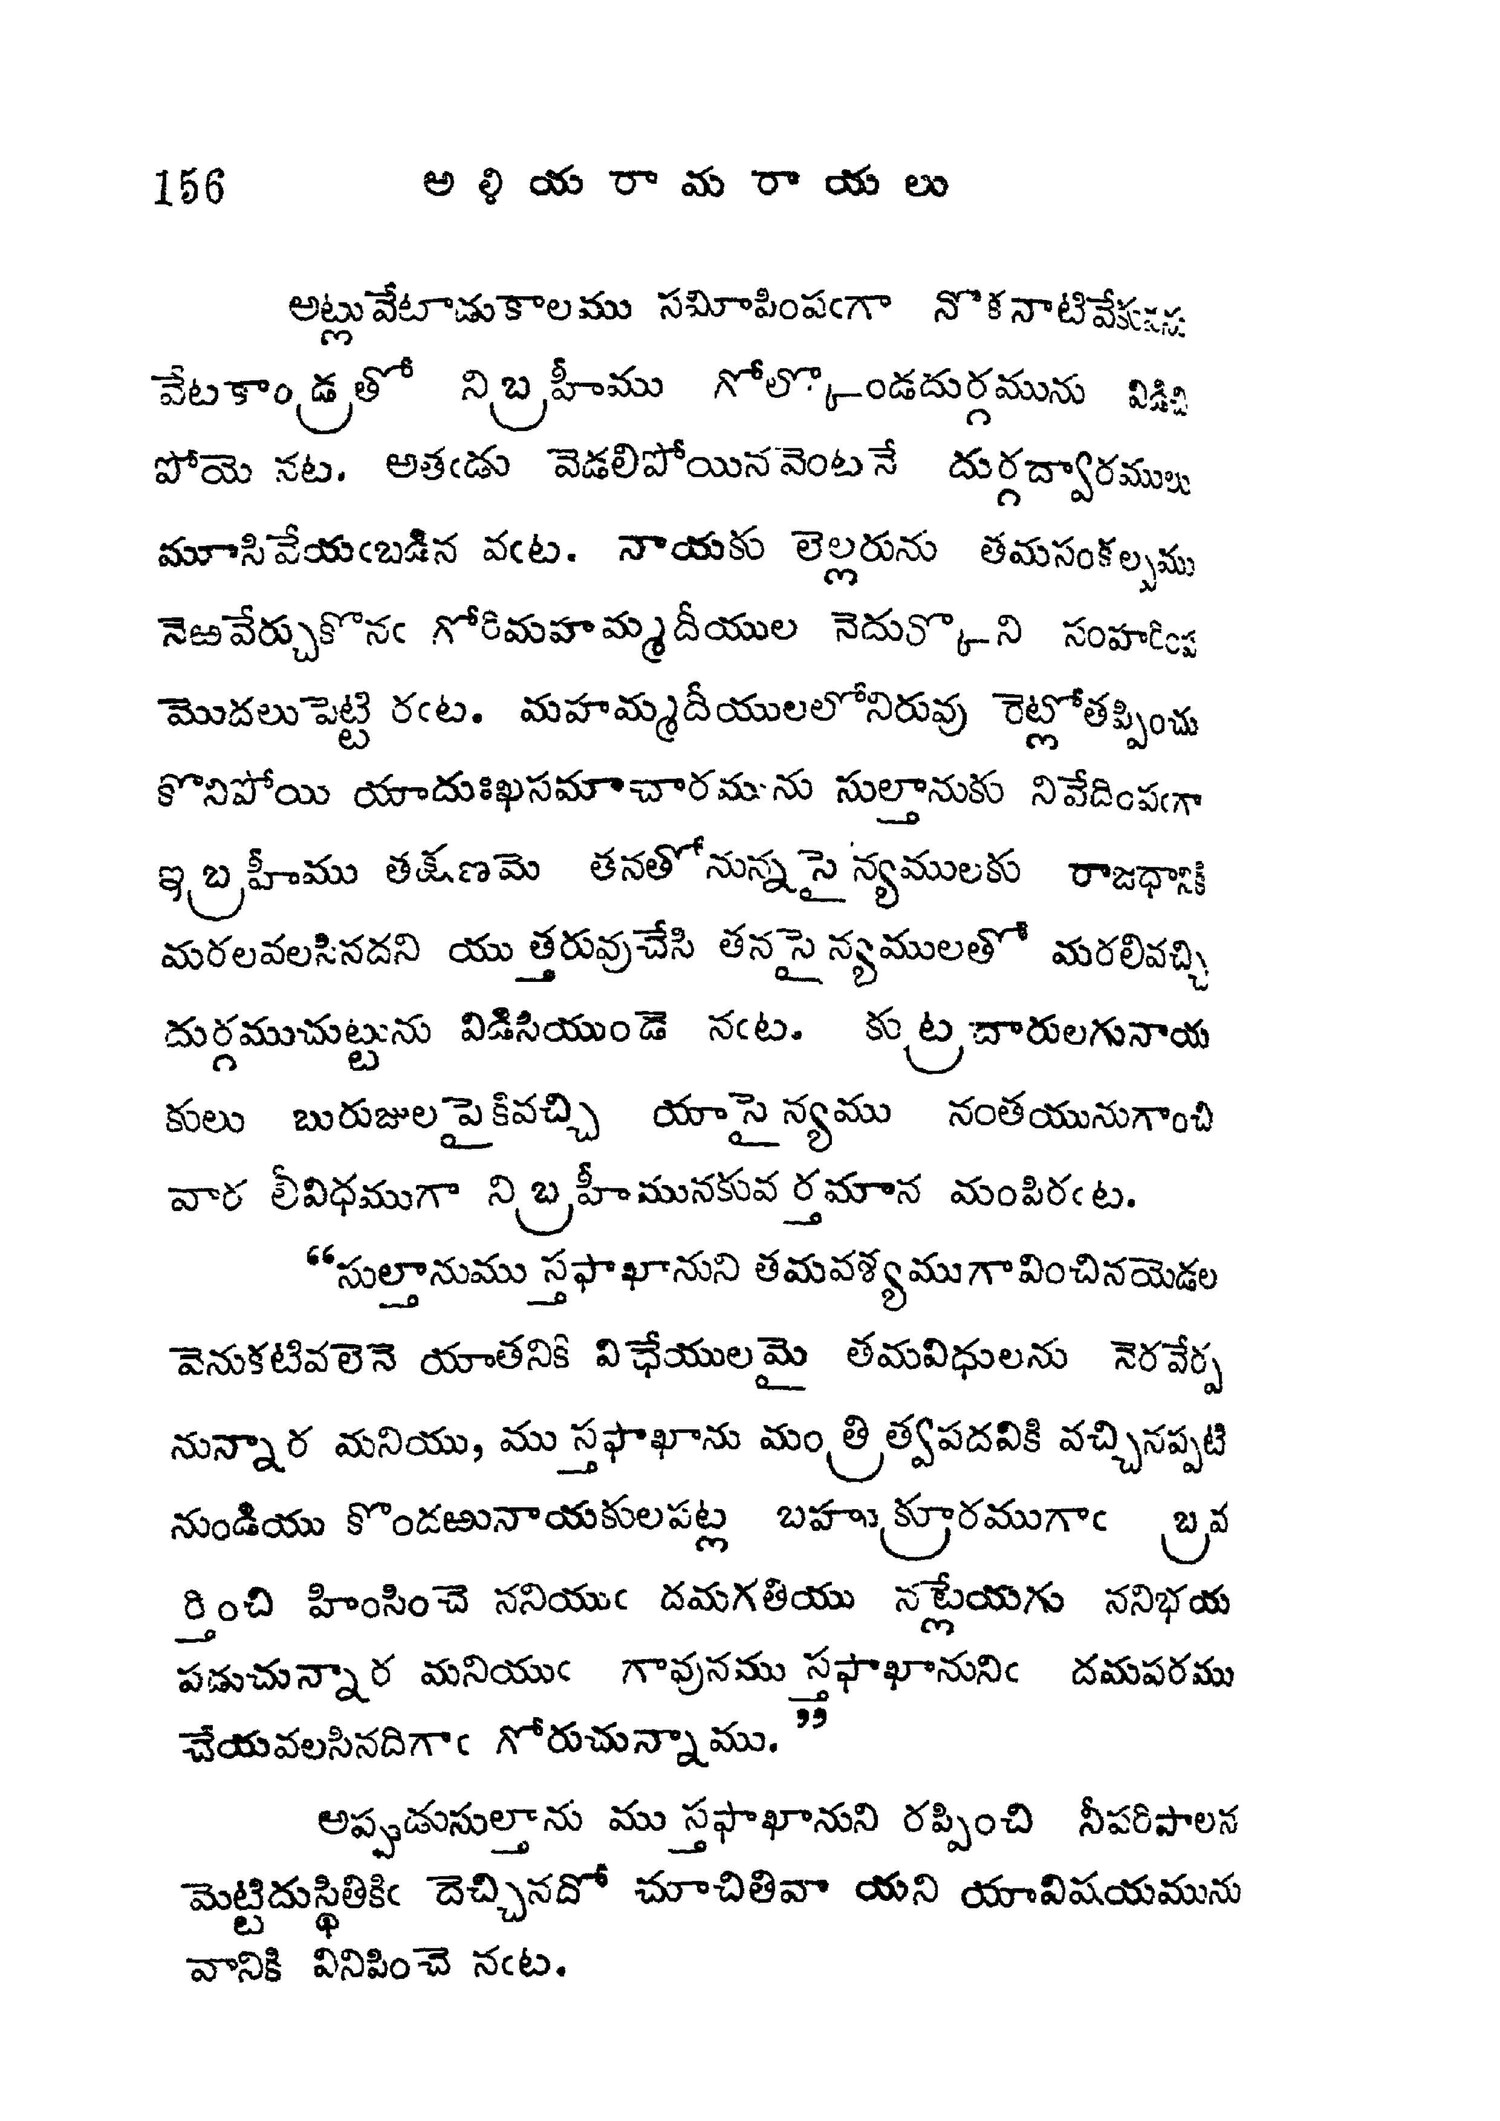అట్లువేటాడుకాలము సమీపింపగా నొకనాటివేకువను వేటకాండ్రతో నిబ్రహీము గోల్కొండదుర్గమును విడిచిపోయె నట. అతడు వెడలిపోయినవెంటనే దుర్గద్వారములు మూసివేయబడిన వట. నాయకు లెల్లరును తమసంకల్పము నెఱవేర్చుకొన గోరిమహమ్మదీయుల నెదుర్కొని సంహరింప మొదలుపెట్టి రట. మహమ్మదీయులలోనిరువు రెట్లోతప్పించుకొనిపోయి యాదు:ఖసమాచారమును సుల్తానుకు నివేదింపగా ఇబ్రహీము తక్షణమె తనతోనున్నసైన్యములకు రాజధానికి మరలవలసినదని యుత్తరువుచేసి తనసైన్యములతో మరలివచ్చి దుర్గముచుట్టును విడిసియుండె నట. కుట్రదారులగు నాయకులు బురుజులపైకివచ్చి యాసైన్యము నంతయునుగాంచి వార లీవిధముగా నిబ్రహీమునకువర్తమాన మంపిరట.

"సుల్తాను ముస్తఫాఖానుని తమవశ్యముగావించినయెడల వెనుకటివలెనె యాతనికి విధేయులమై తమవిధులను నెరవేర్పనున్నార మనియు, ముస్తఫాఖాను మంత్రిత్వపదవికి వచ్చినప్పటి నుండియు కొందఱునాయకులపట్ల బహుక్రూరముగా బ్రవర్తించి హింసించె ననియు దమగతియు నట్లేయగు ననిభయపడుచున్నార మనియు గావునముస్తఫాఖానును దమపరము చేయవలసినదిగా గోరుచున్నాము."

అప్పుడుసుల్తాను ముస్తఫాఖానుని రప్పించి నీపరిపాలన మెట్టిదుస్థితికి దెచ్చినదో చూచితివా యని యావిషయమును వానికి వినిపించె నట.